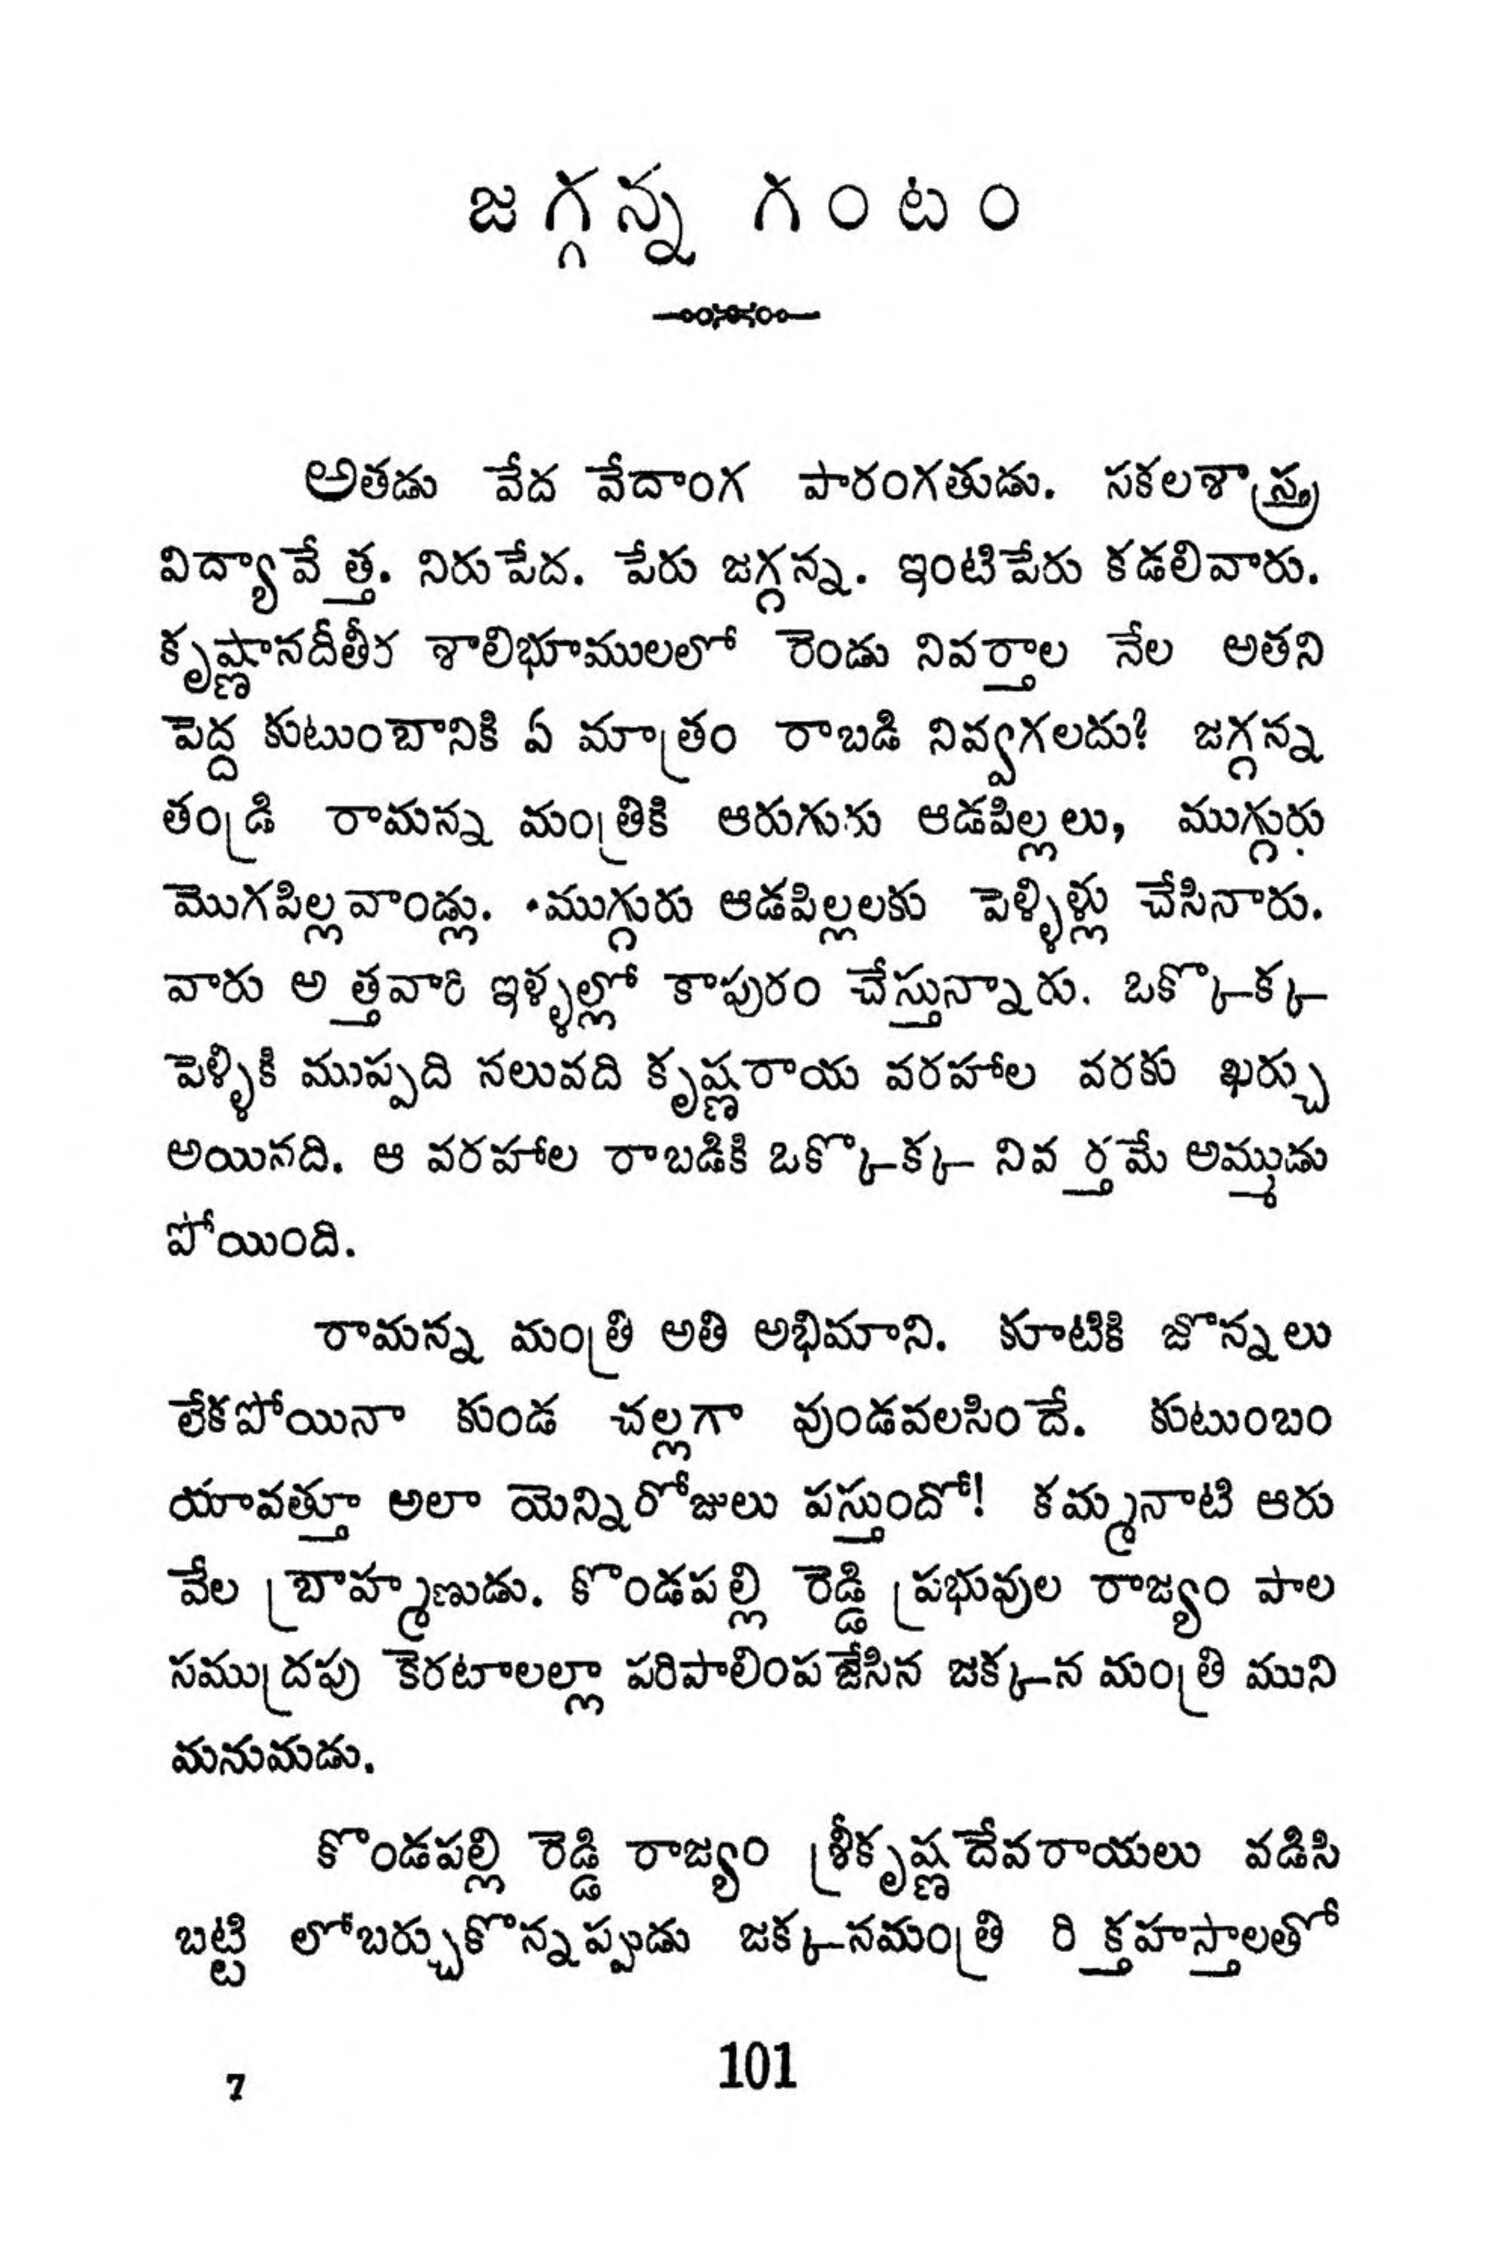జగ్గన్న గంటం

అతడు వేద వేదాంగ పారంగతుడు. సకలశాస్త్ర విద్యావేత్త. నిరుపేద. పేరు జగ్గన్న. ఇంటిపేరు కడలివారు. కృష్ణానదీతీర శాలిభూములలో రెండు నివర్తాల నేల అతని పెద్ద కుటుంబానికి ఏ మాత్రం రాబడి నివ్వగలదు? జగ్గన్న తండ్రి రామన్న మంత్రికి ఆరుగురు ఆడపిల్లలు, ముగ్గురు మొగపిల్లవాండ్లు. ముగ్గురు ఆడపిల్లలకు పెళ్ళిళ్లు చేసినారు. వారు అత్తవారి ఇళ్ళల్లో కాపురం చేస్తున్నారు. ఒక్కొక్క పెళ్ళికి ముప్పది నలువది కృష్ణరాయ వరహాల వరకు ఖర్చు అయినది. ఆ వరహాల రాబడికి ఒక్కొక్క నివర్తమే అమ్ముడు పోయింది.

రామన్న మంత్రి అతి అభిమాని. కూటికి జొన్నలు లేకపోయినా కుండ చల్లగా వుండవలసిందే. కుటుంబం యావత్తూ అలా యెన్నిరోజులు పస్తుందో! కమ్మనాటి ఆరువేల బ్రాహ్మణుడు. కొండపల్లి రెడ్డి ప్రభువుల రాజ్యం పాల సముద్రపు కెరటాలల్లా పరిపాలింపజేసిన జక్కన మంత్రి ముని మనుమడు.

కొండపల్లి రెడ్డి రాజ్యం శ్రీకృష్ణదేవరాయలు వడిసి బట్టి లోబర్చుకొన్నప్పుడు జక్కనమంత్రి రిక్తహస్తాలతో